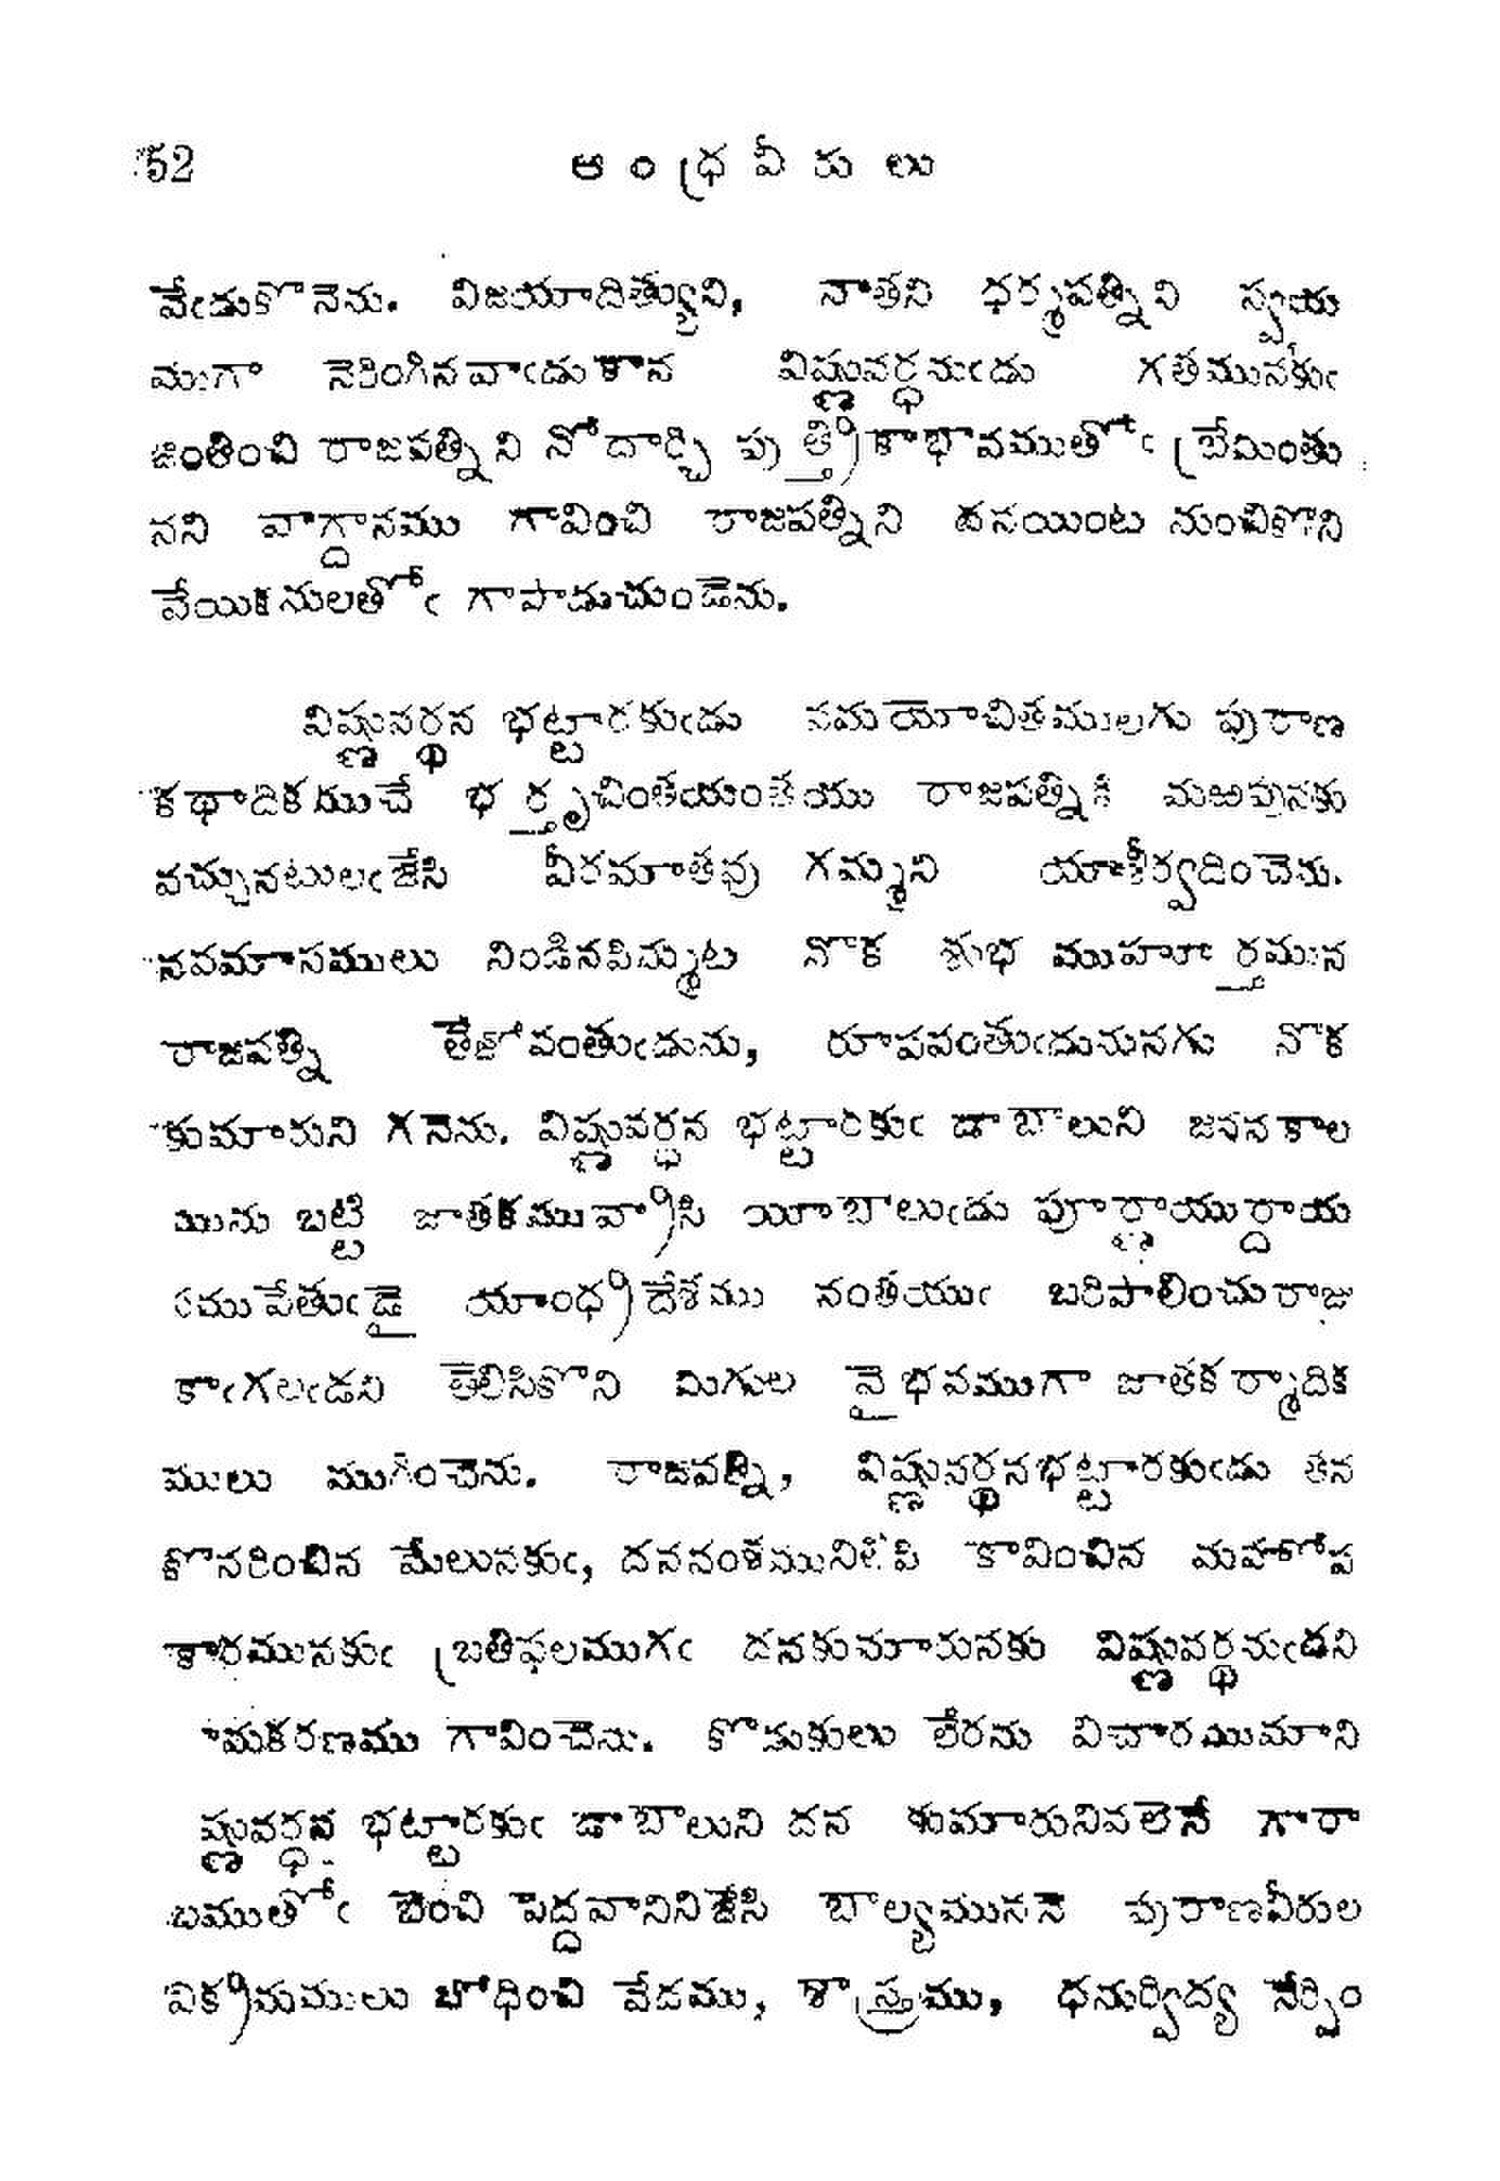వేడుకొనెను. విజయాదిత్యుని, నాతని ధర్మపత్నిని స్వయముగా నెరింగినవాడుకాన విష్ణువర్ధనుడు గతమునకు జింతించి రాజపత్నిని నోదార్చి పుత్రికాభావముతో బ్రేమింతునని వాగ్దానము గావించి రాజపత్నిని దనయింట నుంచికొని వేయికనులతో గాపాడుచుండెను.

విష్ణువర్ధన భట్టారకుడు సమయోచితములగు పురాణ కథాదికముచే భర్తృచింతయంతయు రాజపత్నికి మఱపునకు వచ్చునటులజేసి వీరమాతవు గమ్మని యాశీర్వదించెను. నవమాసములు నిండినపిమ్మట నొక శుభ ముహూర్తమున రాజపత్ని తేజోవంతుడును, రూపవంతుడునునగు నొక కుమారుని గనెను. విష్ణువర్ధన భట్టారకు డాబాలుని జననకాలమును బట్టి జాతకమువ్రాసి యీబాలుడు పూర్ణాయుర్దాయ సముపేతుడై యాంధ్రదేశము నంతయు బరిపాలించురాజు కాగలడని తెలిసికొని మిగుల వైభవముగా జాతకర్మాదికిములు ముగించెను. రాజపత్ని, విష్ణువర్ధనభట్టారకుడు తన కొనరించిన మేలునకు, దనవంశమునిలిపి కావించిన మహోపకారమునకు బ్రతిఫలముగ దనకుమారునకు విష్ణువర్ధనుడని నామకరణము గావించెను. కొడుకులు లేరను విచారముమాని విష్ణువర్ధన భట్టారకు డాబాలుని దన కుమారునివలెనే గారాబముతో బెంచి పెద్దవానినిజేసి బాల్యముననె పురాణవీరుల విక్రమములు బోధించి వేదము, శాస్త్రము, ధనుర్విద్య నేర్పిం